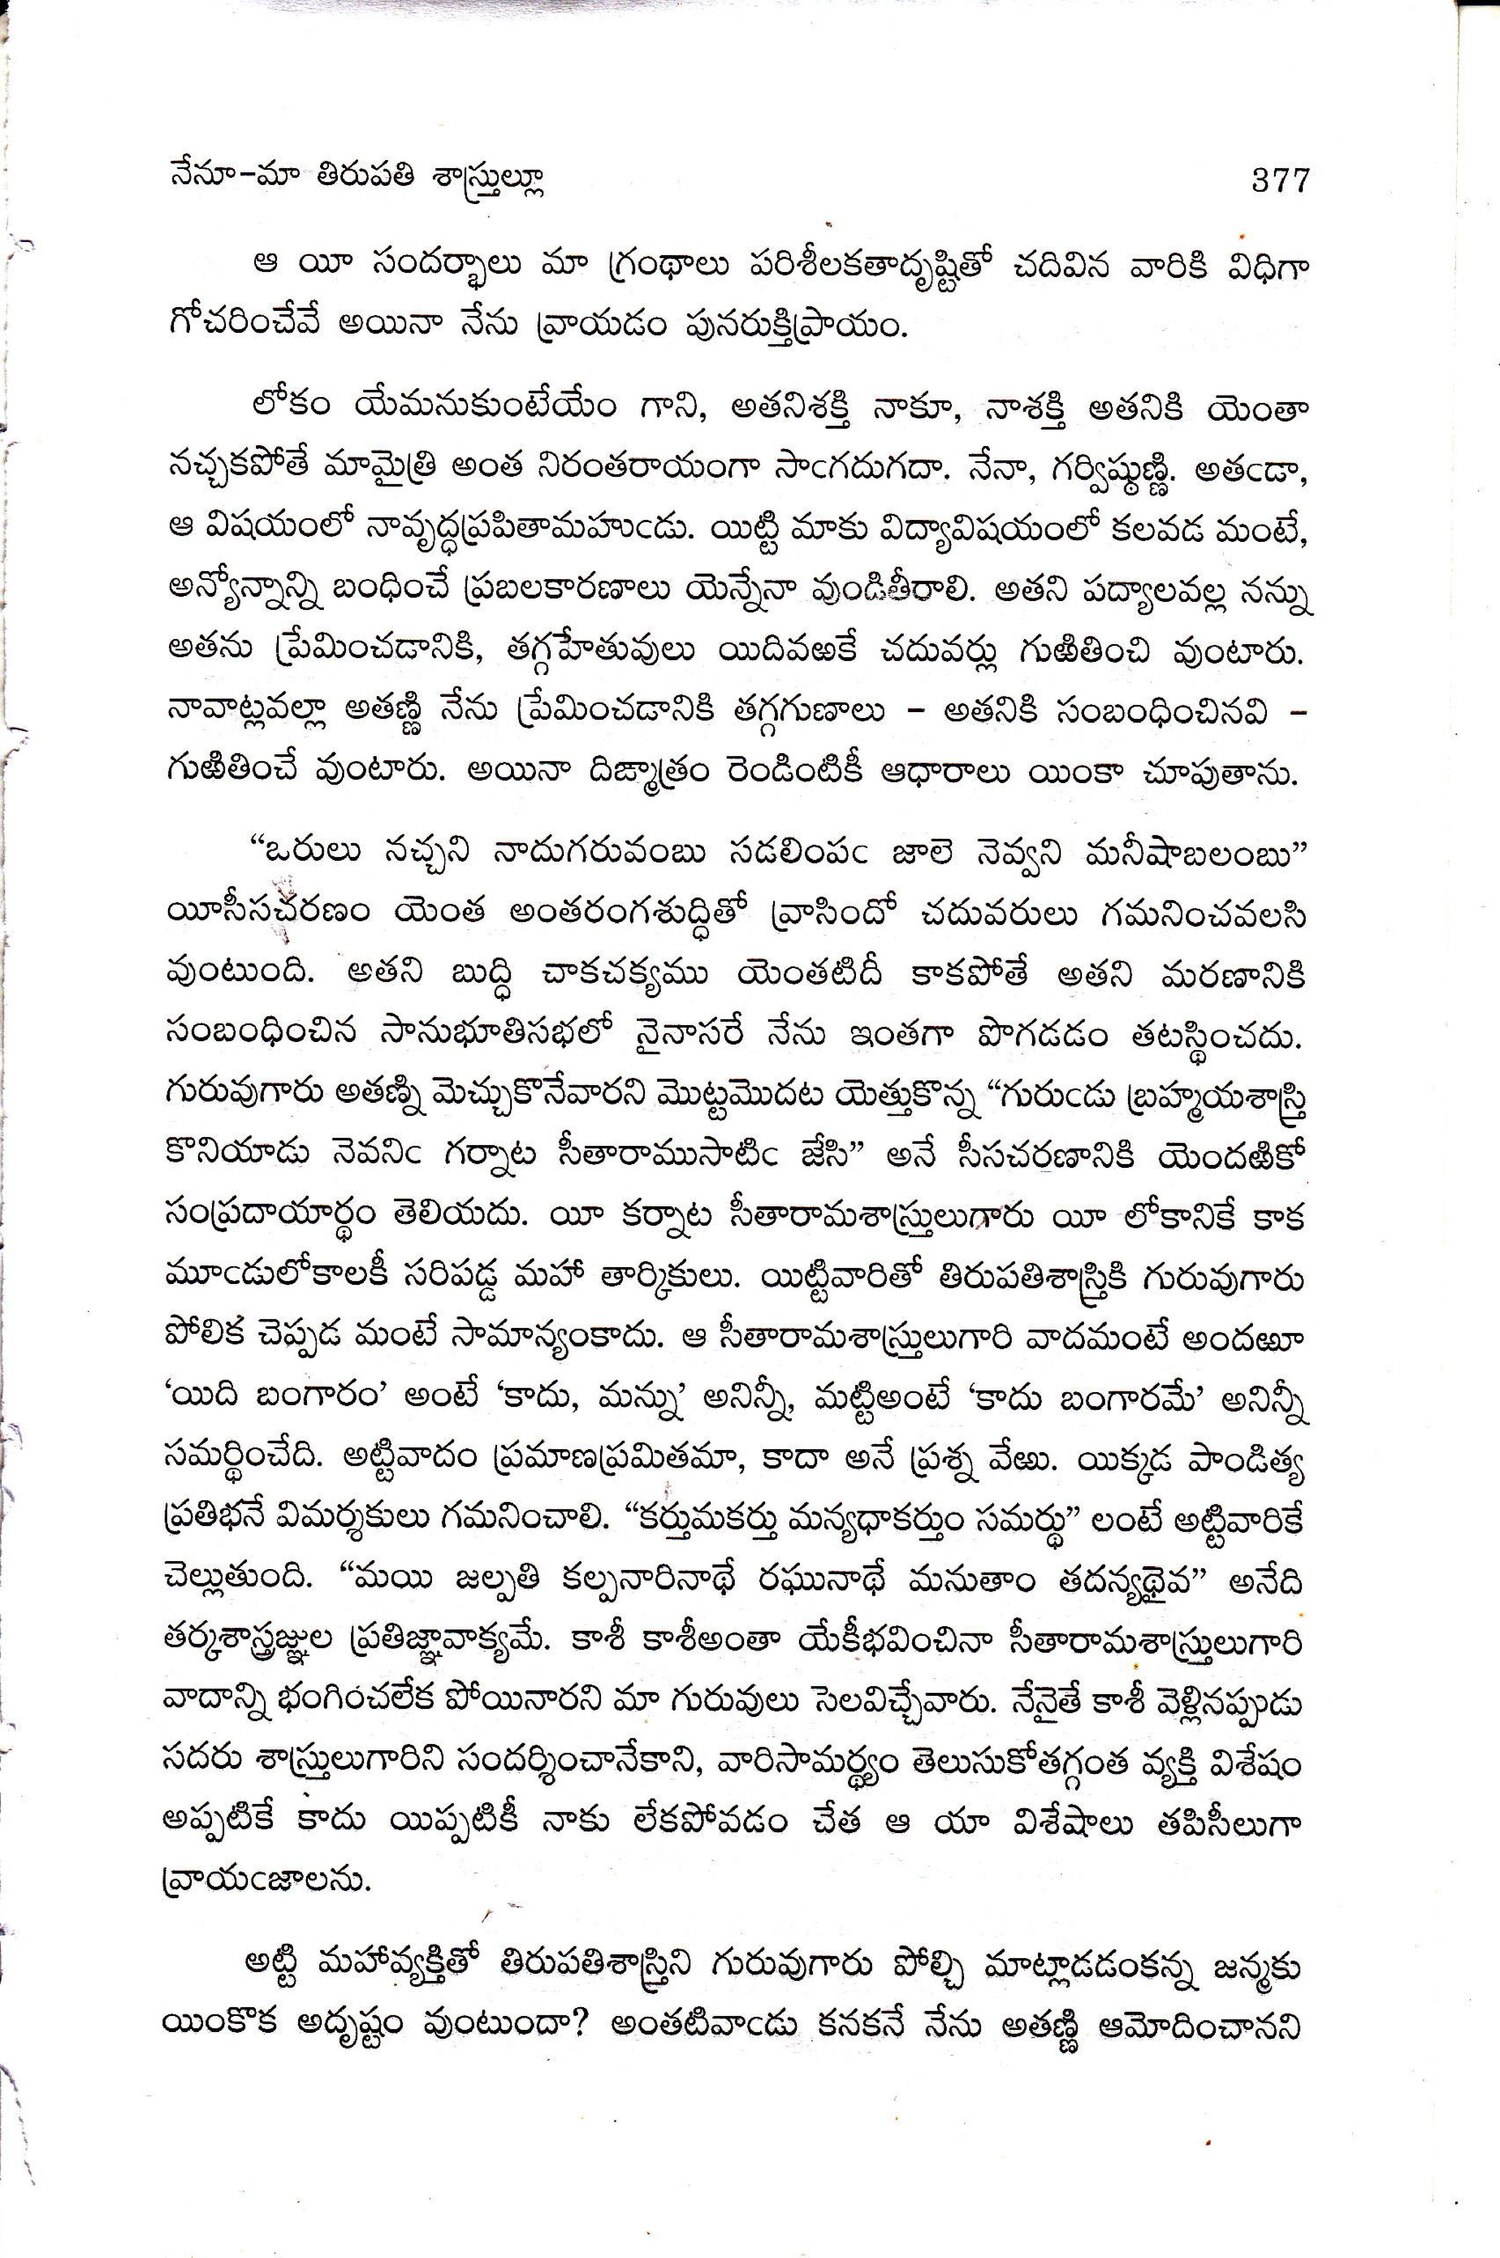ఆ యీ సందర్భాలు మా గ్రంథాలు పరిశీలకతాదృష్టితో చదివిన వారికి విధిగా గోచరించేవే అయినా నేను వ్రాయడం పునరుక్తిప్రాయం.

లోకం యేమనుకుంటేయేం గాని, అతనిశక్తి నాకూ, నాశక్తి అతనికి యెంతా నచ్చకపోతే మామైత్రి అంత నిరంతరాయంగా సాఁగదుగదా. నేనా, గర్విష్ఠుణ్ణి. అతఁడా, ఆ విషయంలో నావృద్దప్రపితామహుఁడు. యిట్టి మాకు విద్యావిషయంలో కలవడ మంటే, అన్యోన్నాన్ని బంధించే ప్రబలకారణాలు యెన్నేనా వుండితీరాలి. అతని పద్యాలవల్ల నన్ను అతను ప్రేమించడానికి, తగ్గహేతువులు యిదివఱకే చదువర్లు గుఱితించి వుంటారు. నావాట్లవల్లా అతణ్ణి నేను ప్రేమించడానికి తగ్గగుణాలు - అతనికి సంబంధించినవి - గుఱితించే వుంటారు. అయినా దిఙ్మాత్రం రెండింటికీ ఆధారాలు యింకా చూపుతాను.

“ఒరులు నచ్చని నాదుగరువంబు సడలింపఁ జాలె నెవ్వని మనీషాబలంబు” యీసీసచరణం యెంత అంతరంగశుద్ధితో వ్రాసిందో చదువరులు గమనించవలసి వుంటుంది. అతని బుద్ధి చాకచక్యము యెంతటిదీ కాకపోతే అతని మరణానికి సంబంధించిన సానుభూతిసభలో నైనాసరే నేను ఇంతగా పొగడడం తటస్థించదు. గురువుగారు అతణ్ని మెచ్చుకొనేవారని మొట్టమొదట యెత్తుకొన్న “గురుఁడు బ్రహ్మయశాస్త్రి కొనియాడు నెవనిఁ గర్నాట సీతారాముసాటిఁ జేసి” అనే సీసచరణానికి యెందఱికో సంప్రదాయార్ధం తెలియదు. యీ కర్నాట సీతారామశాస్త్రులుగారు యీ లోకానికే కాక మూఁడులోకాలకీ సరిపడ్డ మహా తార్కికులు. యిట్టివారితో తిరుపతిశాస్త్రికి గురువుగారు పోలిక చెప్పడ మంటే సామాన్యంకాదు. ఆ సీతారామశాస్త్రులుగారి వాదమంటే అందఱూ 'యిది బంగారం' అంటే 'కాదు, మన్ను' అనిన్నీ, మట్టి అంటే 'కాదు బంగారమే' అనిన్నీ సమర్థించేది. అట్టివాదం ప్రమాణప్రమితమా, కాదా అనే ప్రశ్న వేఱు. యిక్కడ పాండిత్య ప్రతిభనే విమర్శకులు గమనించాలి. “కర్తుమకర్తు మన్యధాకర్తుం సమర్థు” లంటే అట్టివారికే చెల్లుతుంది. “మయి జల్పతి కల్పనారినాథే రఘునాథే మనుతాం తదన్యథైవ” అనేది తర్కశాస్త్రజ్ఞుల ప్రతిజ్ఞావాక్యమే. కాశీ కాశీఅంతా యేకీభవించినా సీతారామశాస్త్రులుగారి వాదాన్ని భంగించలేక పోయినారని మా గురువులు సెలవిచ్చేవారు. నేనైతే కాశీ వెళ్లినప్పుడు సదరు శాస్త్రులుగారిని సందర్శించానేకాని, వారి సామర్థ్యం తెలుసుకోతగ్గంత వ్యక్తి విశేషం అప్పటికే కాదు యిప్పటికీ నాకు లేకపోవడం చేత ఆ యా విశేషాలు తపిసీలుగా వ్రాయఁజాలను.

అట్టి మహావ్యక్తితో తిరుపతిశాస్త్రిని గురువుగారు పోల్చి మాట్లాడడంకన్న జన్మకు యింకొక అదృష్టం వుంటుందా? అంతటివాఁడు కనకనే నేను అతణ్ణి ఆమోదించానని